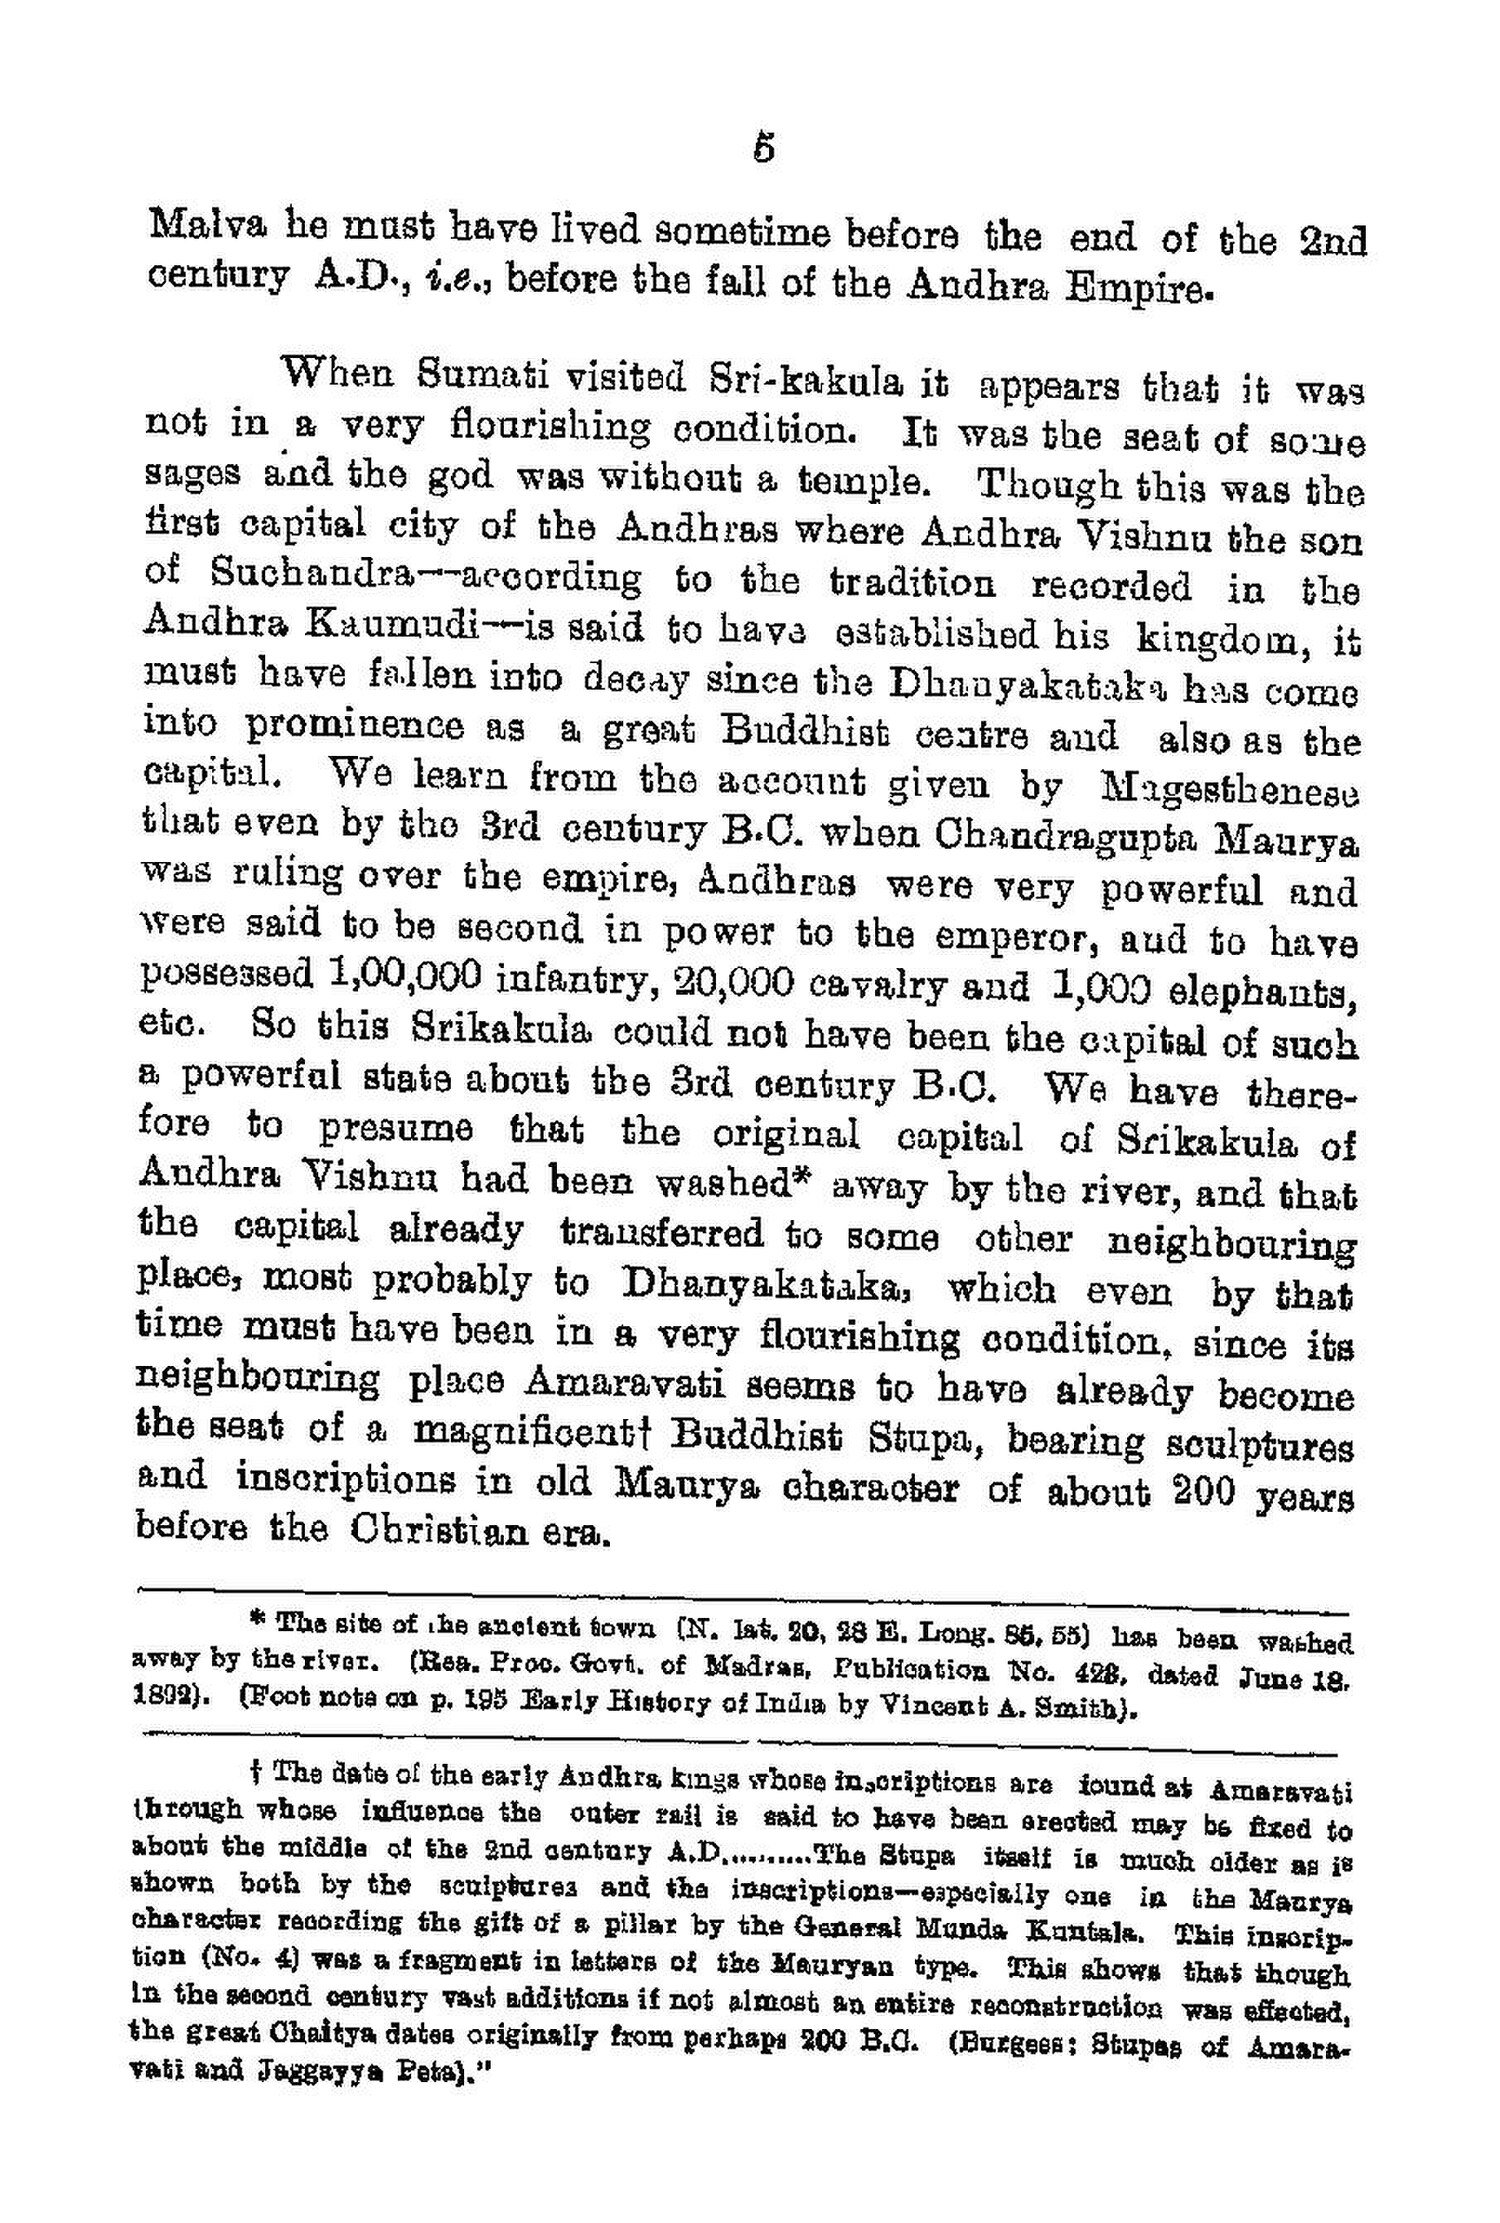Malva he must have lived sometime before the end of the 2nd century A.D., i.e., before the fall of the Andhra Empire.

When Sumati visited Sri-kakula it appears that it was not in a very flourishing condition. It was the seat of sowe sages and the god was without a temple. Though this was the first capital city of the Andhras where Andhra Vishnu the son of Suchandra--according to the tradition recorded in the Andhra Kaumudi-is said to have established his kingdom, it must have fallen into decay since the Dhanyakataka has come into prominence as a great Buddhist centre and also as the capital. We learn from the account given by Magesthenese that even by the 3rd century B.C. when Chandragupta Maurya was ruling over the empire, Andhras were very powerful and were said to be second in power to the emperor, and to have
possessed 1,00,000 infantry, 20,000 cavalry and 1,000 elephants, etc. So this Srikakula could not have been the capital of such a powerful state about the 3rd century B.C. We have therefore to presume that the original capital of Srikakula of Andhra Vishnu had been washed * away by the river, and that the capital already transferred to some other neighbouring place, most probably to Dhanyakataka, which even by that time must have been in a very flourishing condition, since its neighbouring place Amaravati seems to have already become the seat of a magnificent Buddhist Stupa, bearing sculptures and inscriptions in old Maurya character of about 200 years before the Christian era.